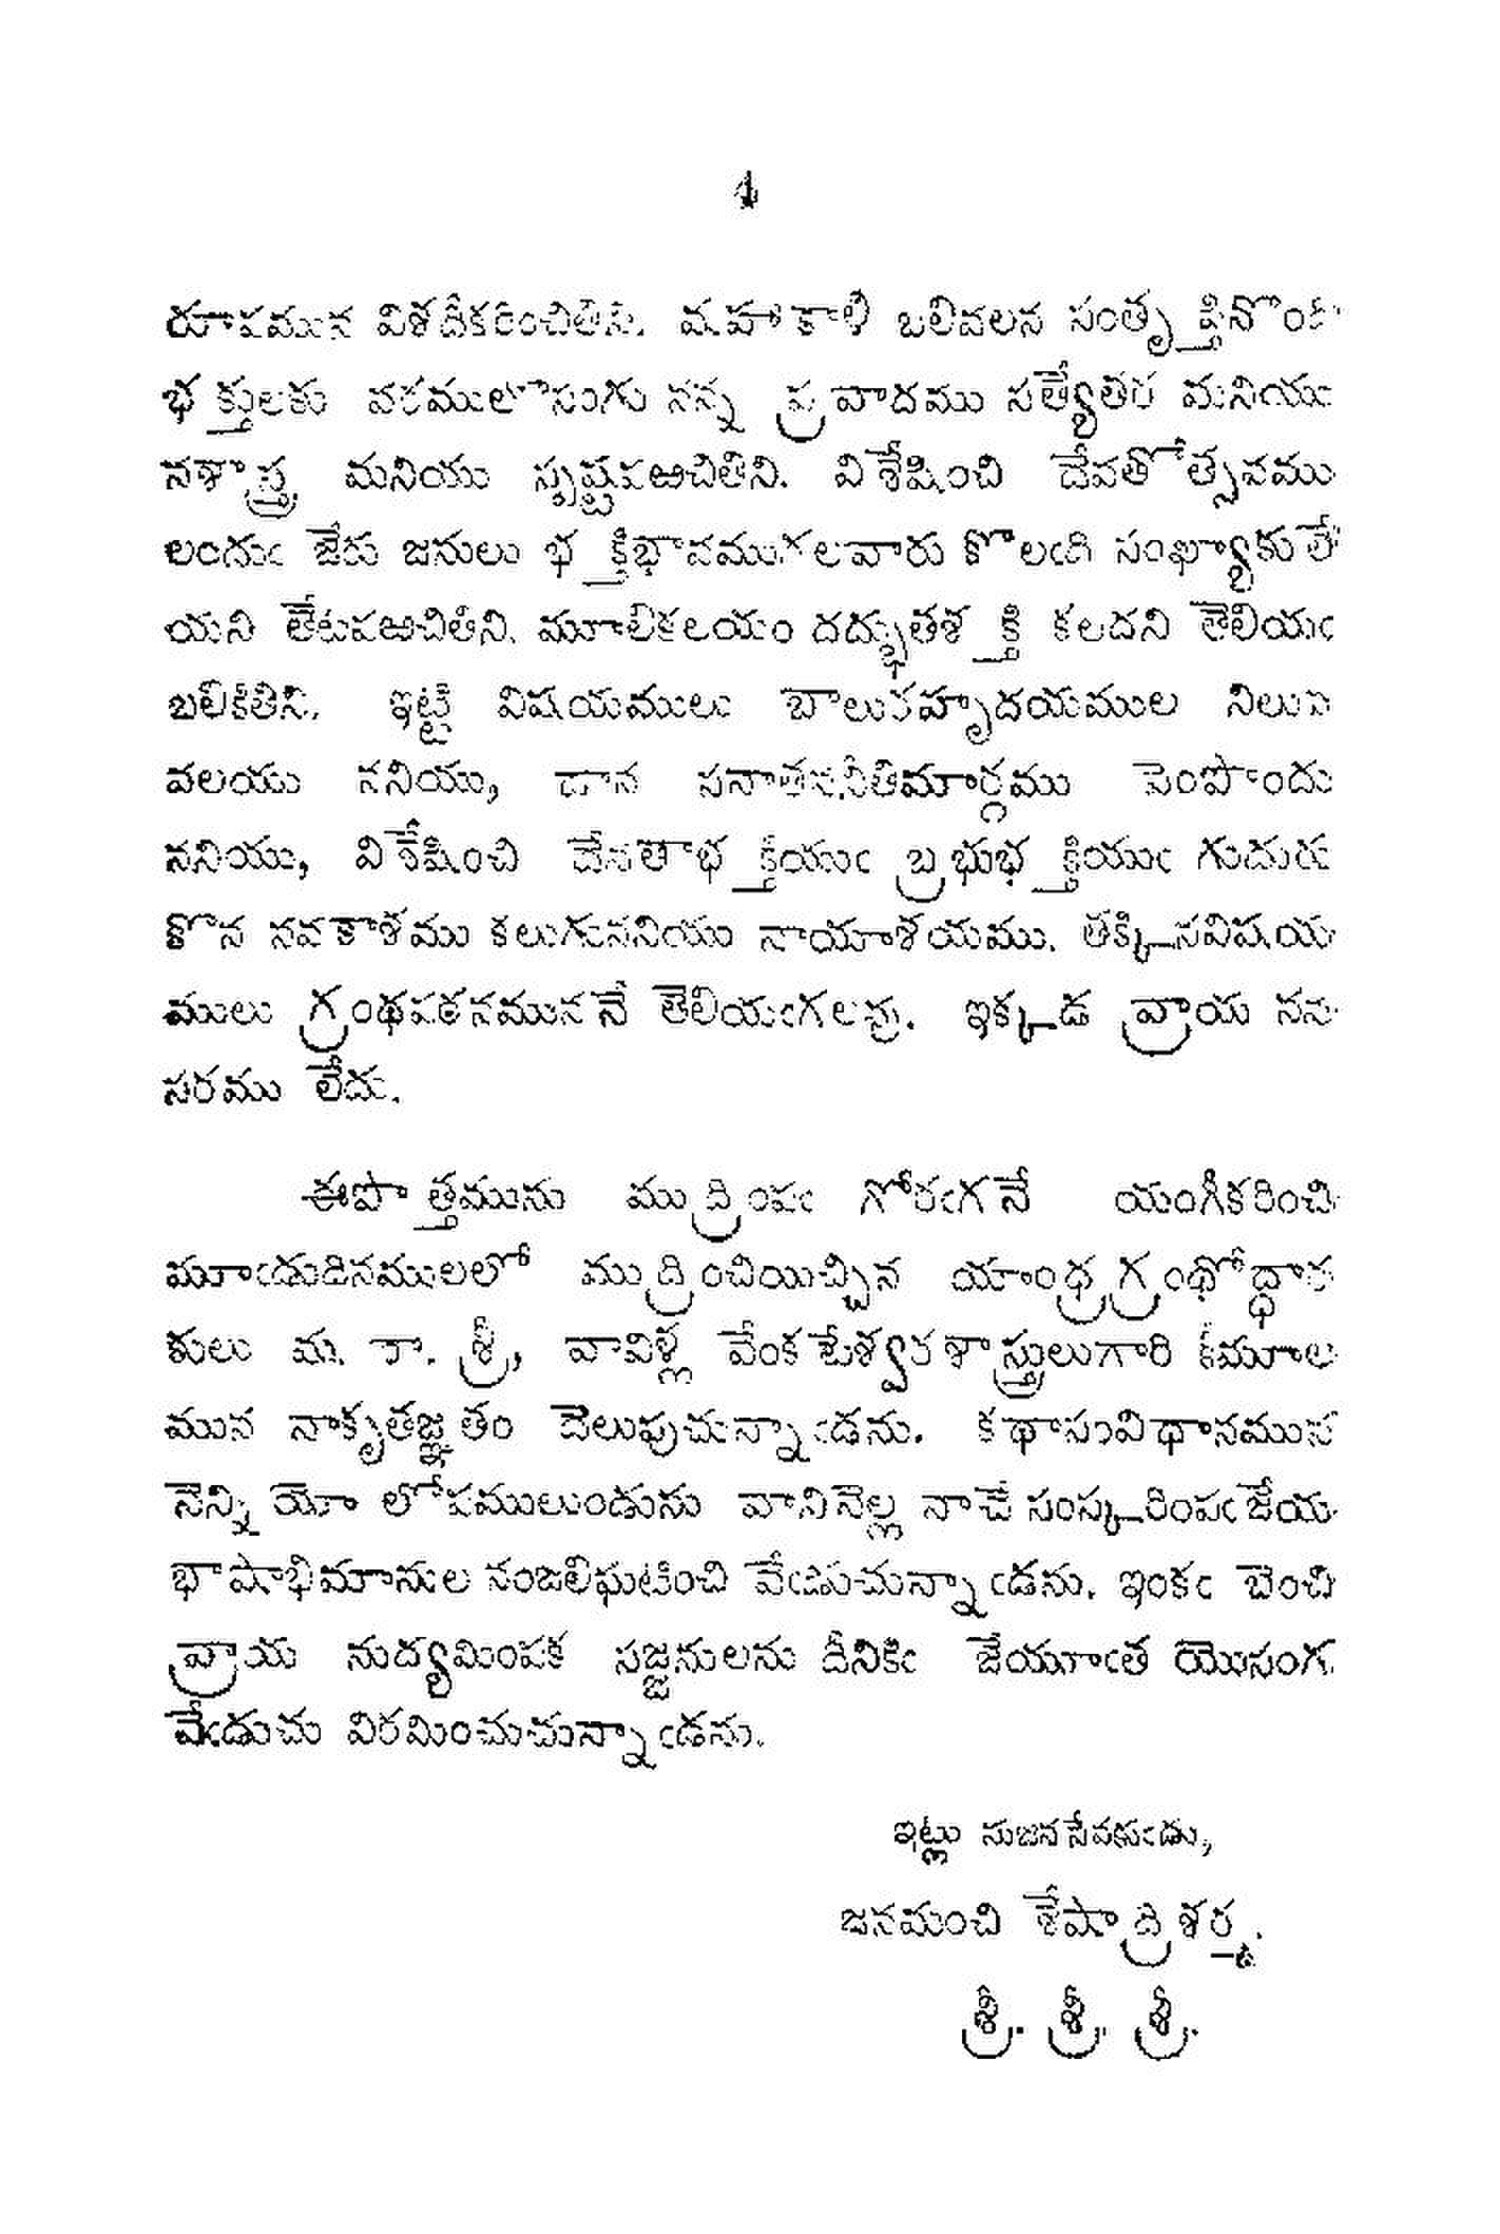రూశమున విశదీకరించిన మహాకాళీ బలివలన సంతృప్తినొంది " భక్తులకు వరములొసంగు నన్న ప్రపాదము సత్యేతర మనియ నశాస్త్ర, మనియు స్పష్టపఱిచితిని. విశేషించి దేవతోత్సవము లందుఁ జేరు జనులు భక్తిభావముగల వారు కొలఁది సంఖ్యాకులే' యని తేటపఱచితిని, మూలికలయం దద్భుతశక్తి కలదని తెలియఁ బలికితిని. ఇట్టి విషయములు బాలుర హృదయముల నిలుప వలయు ననియు, దాన సనాత నీతిమార్గము పెంపొందు ననియు, విశేషించి దేవతాభక్తియుఁ బ్రభుభక్తియుఁ గుదురు కొన నవకాశము కలుగుననియు నాయాశయము. తక్కినవిషయములు గ్రంథపఠనమున నే తెలియఁగలను. ఇక్కడ వ్రాయ నవసరము లేదు,

ఈపొత్తమును ముద్రింప గోరఁగనే యంగీకరించి మూడుదినములలో ముద్రించియిచ్చిన యాంధ్ర గ్రంథోద్ధారకులు మ.రా. శ్రీ వావిళ్ల వేంక టేశ్వరశాస్త్రులుగారికీ మూలమున నాకృతజ్ఞతం దెలుపుచున్నాఁడను. కథాసంవిధానమున నెన్నియో లోపములుండును వానినెల్ల నాచే సంస్కరింపఁ జేయభాషాభిమానుల నంజలీ ఘటించి వేఁడుచున్నాఁడను, ఇంకఁ బెంచి వ్రాయ నుద్యమింపక సజ్జనులను దీనికిఁ జేయూత యొసంగ వేడుచు విరమించుచున్నాఁడను.